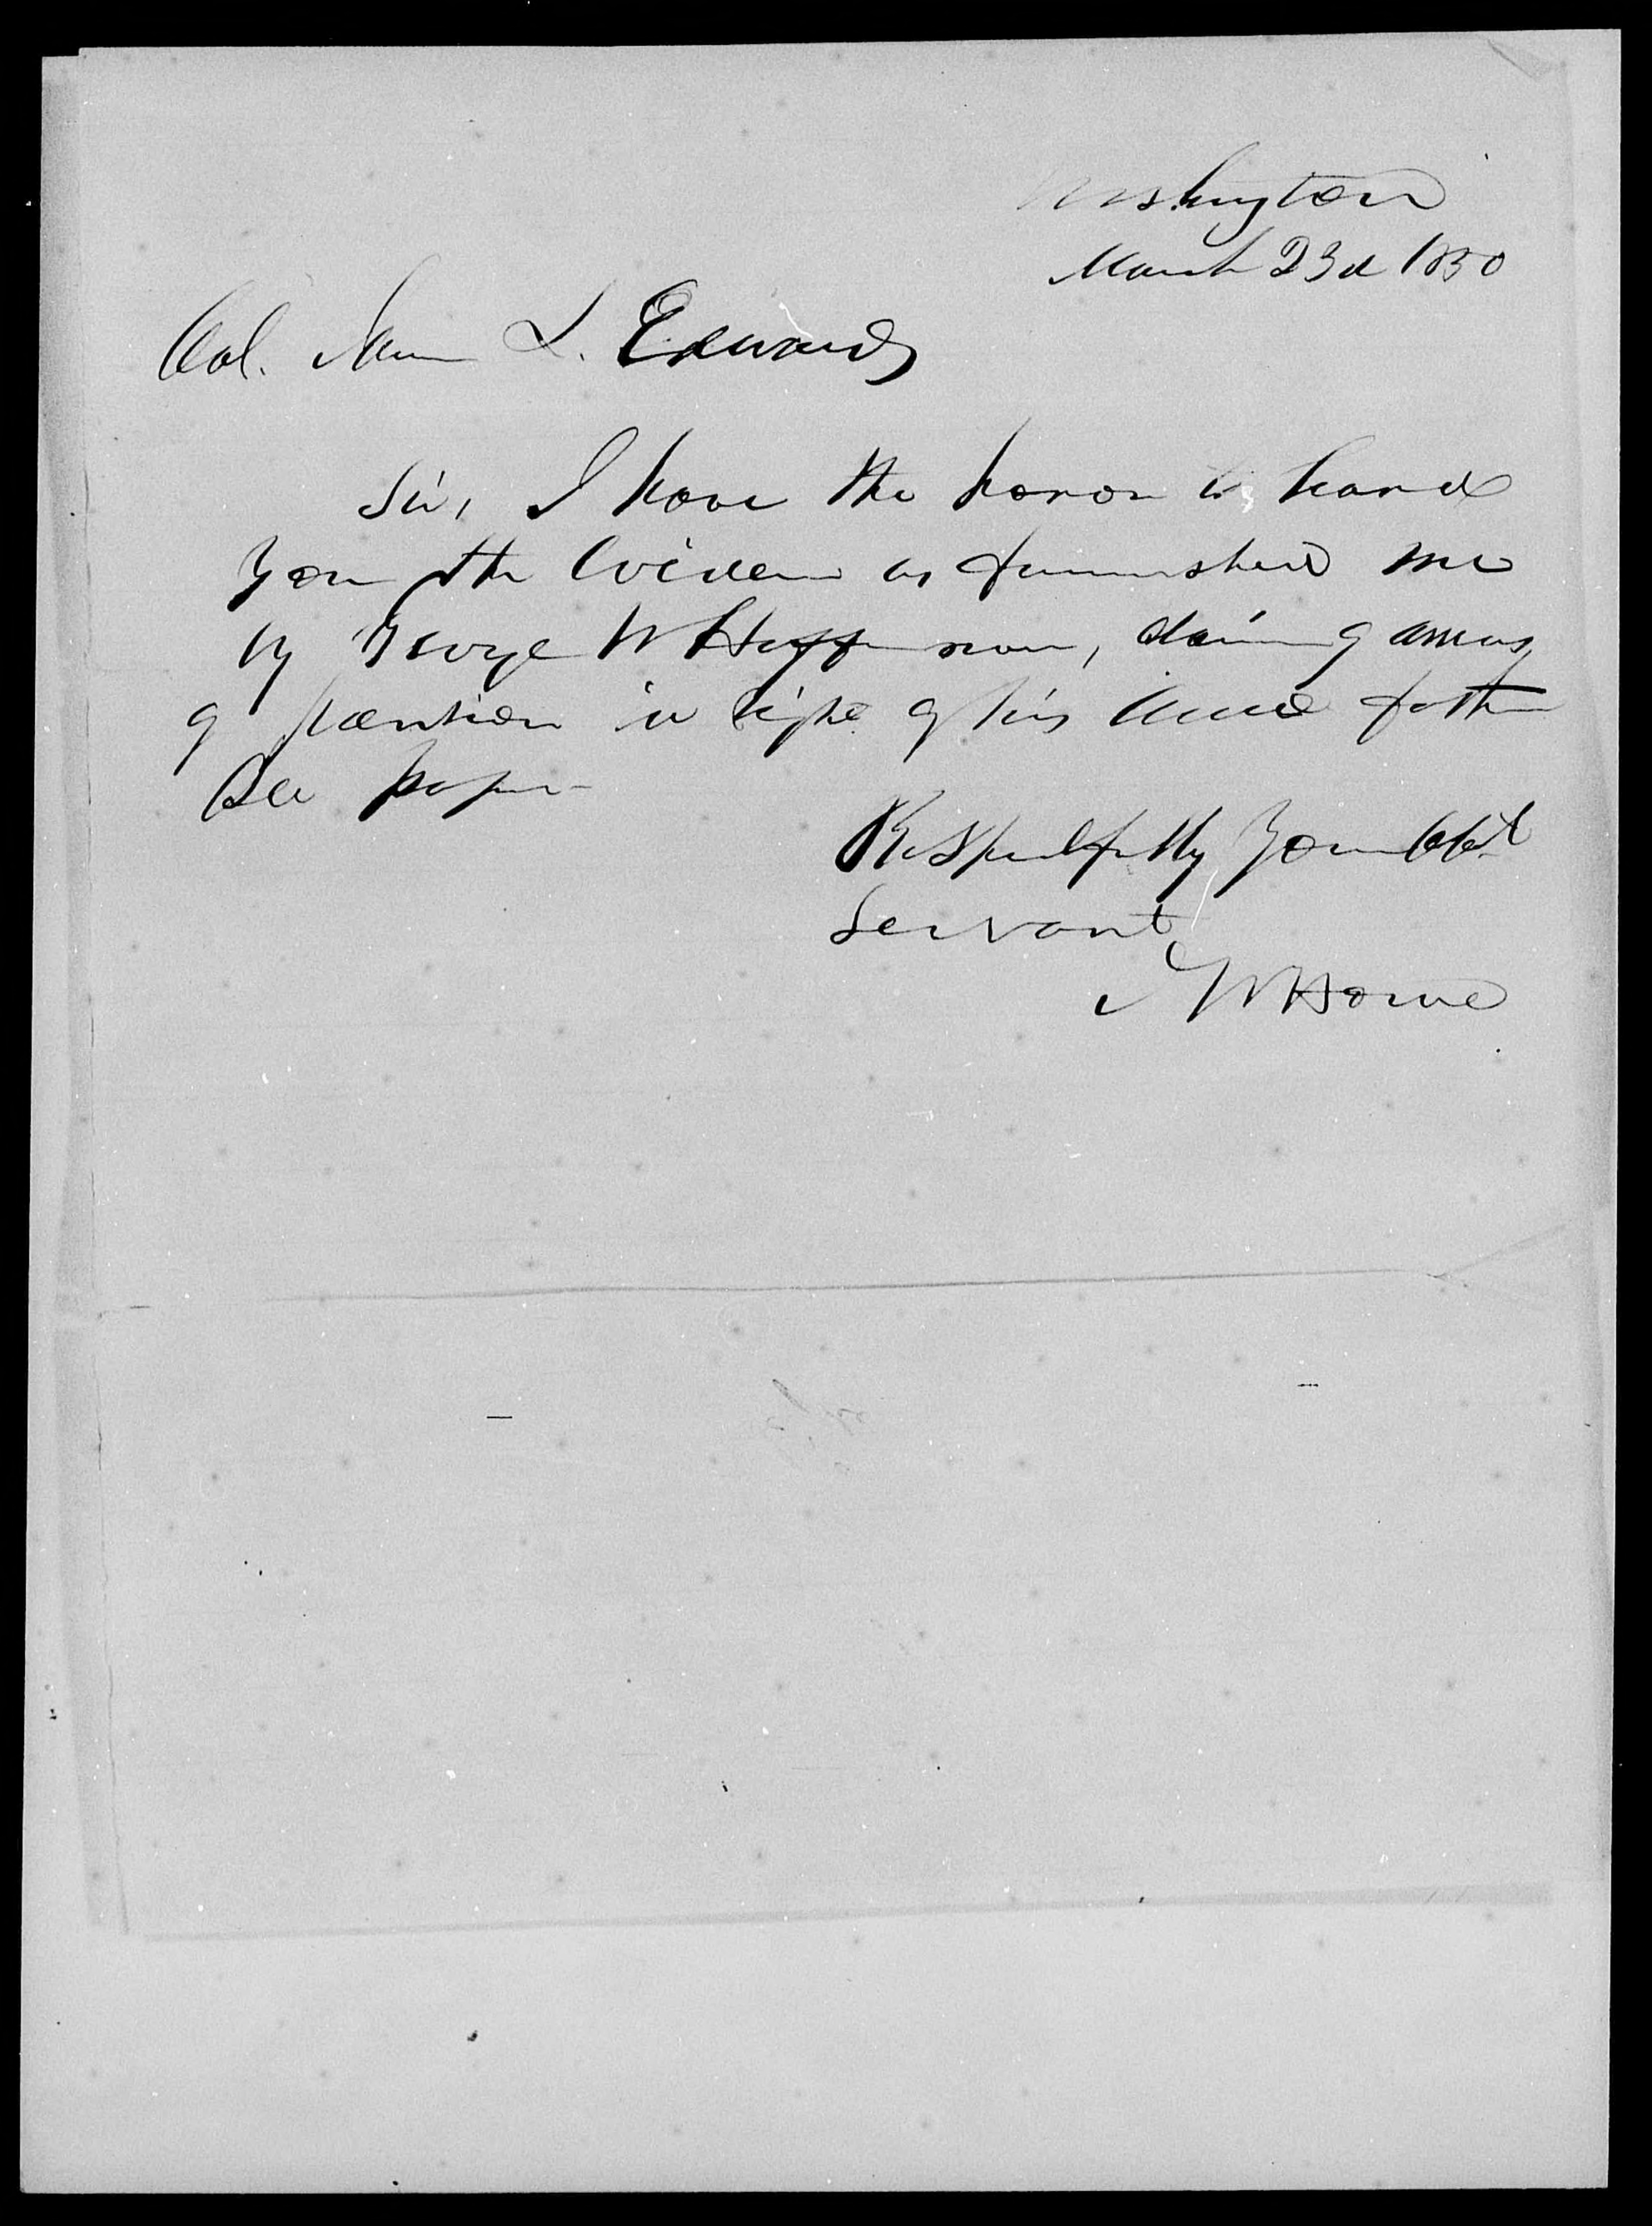Washington
March 23rd 1850

Col. James L. Edwards
Sir,
I have the honor to hand you the evidence as furnished me by George W. Heffernan [illegible] [illegible] pension in light of his [illegible] forth. see paper
Respectfully your Obt. servant
J. W. Howe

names: J W Howe, George W Heffernan, James L Edwards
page: 19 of 21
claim: rejected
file: R. 4419, Hugh Haffernan, Penn.